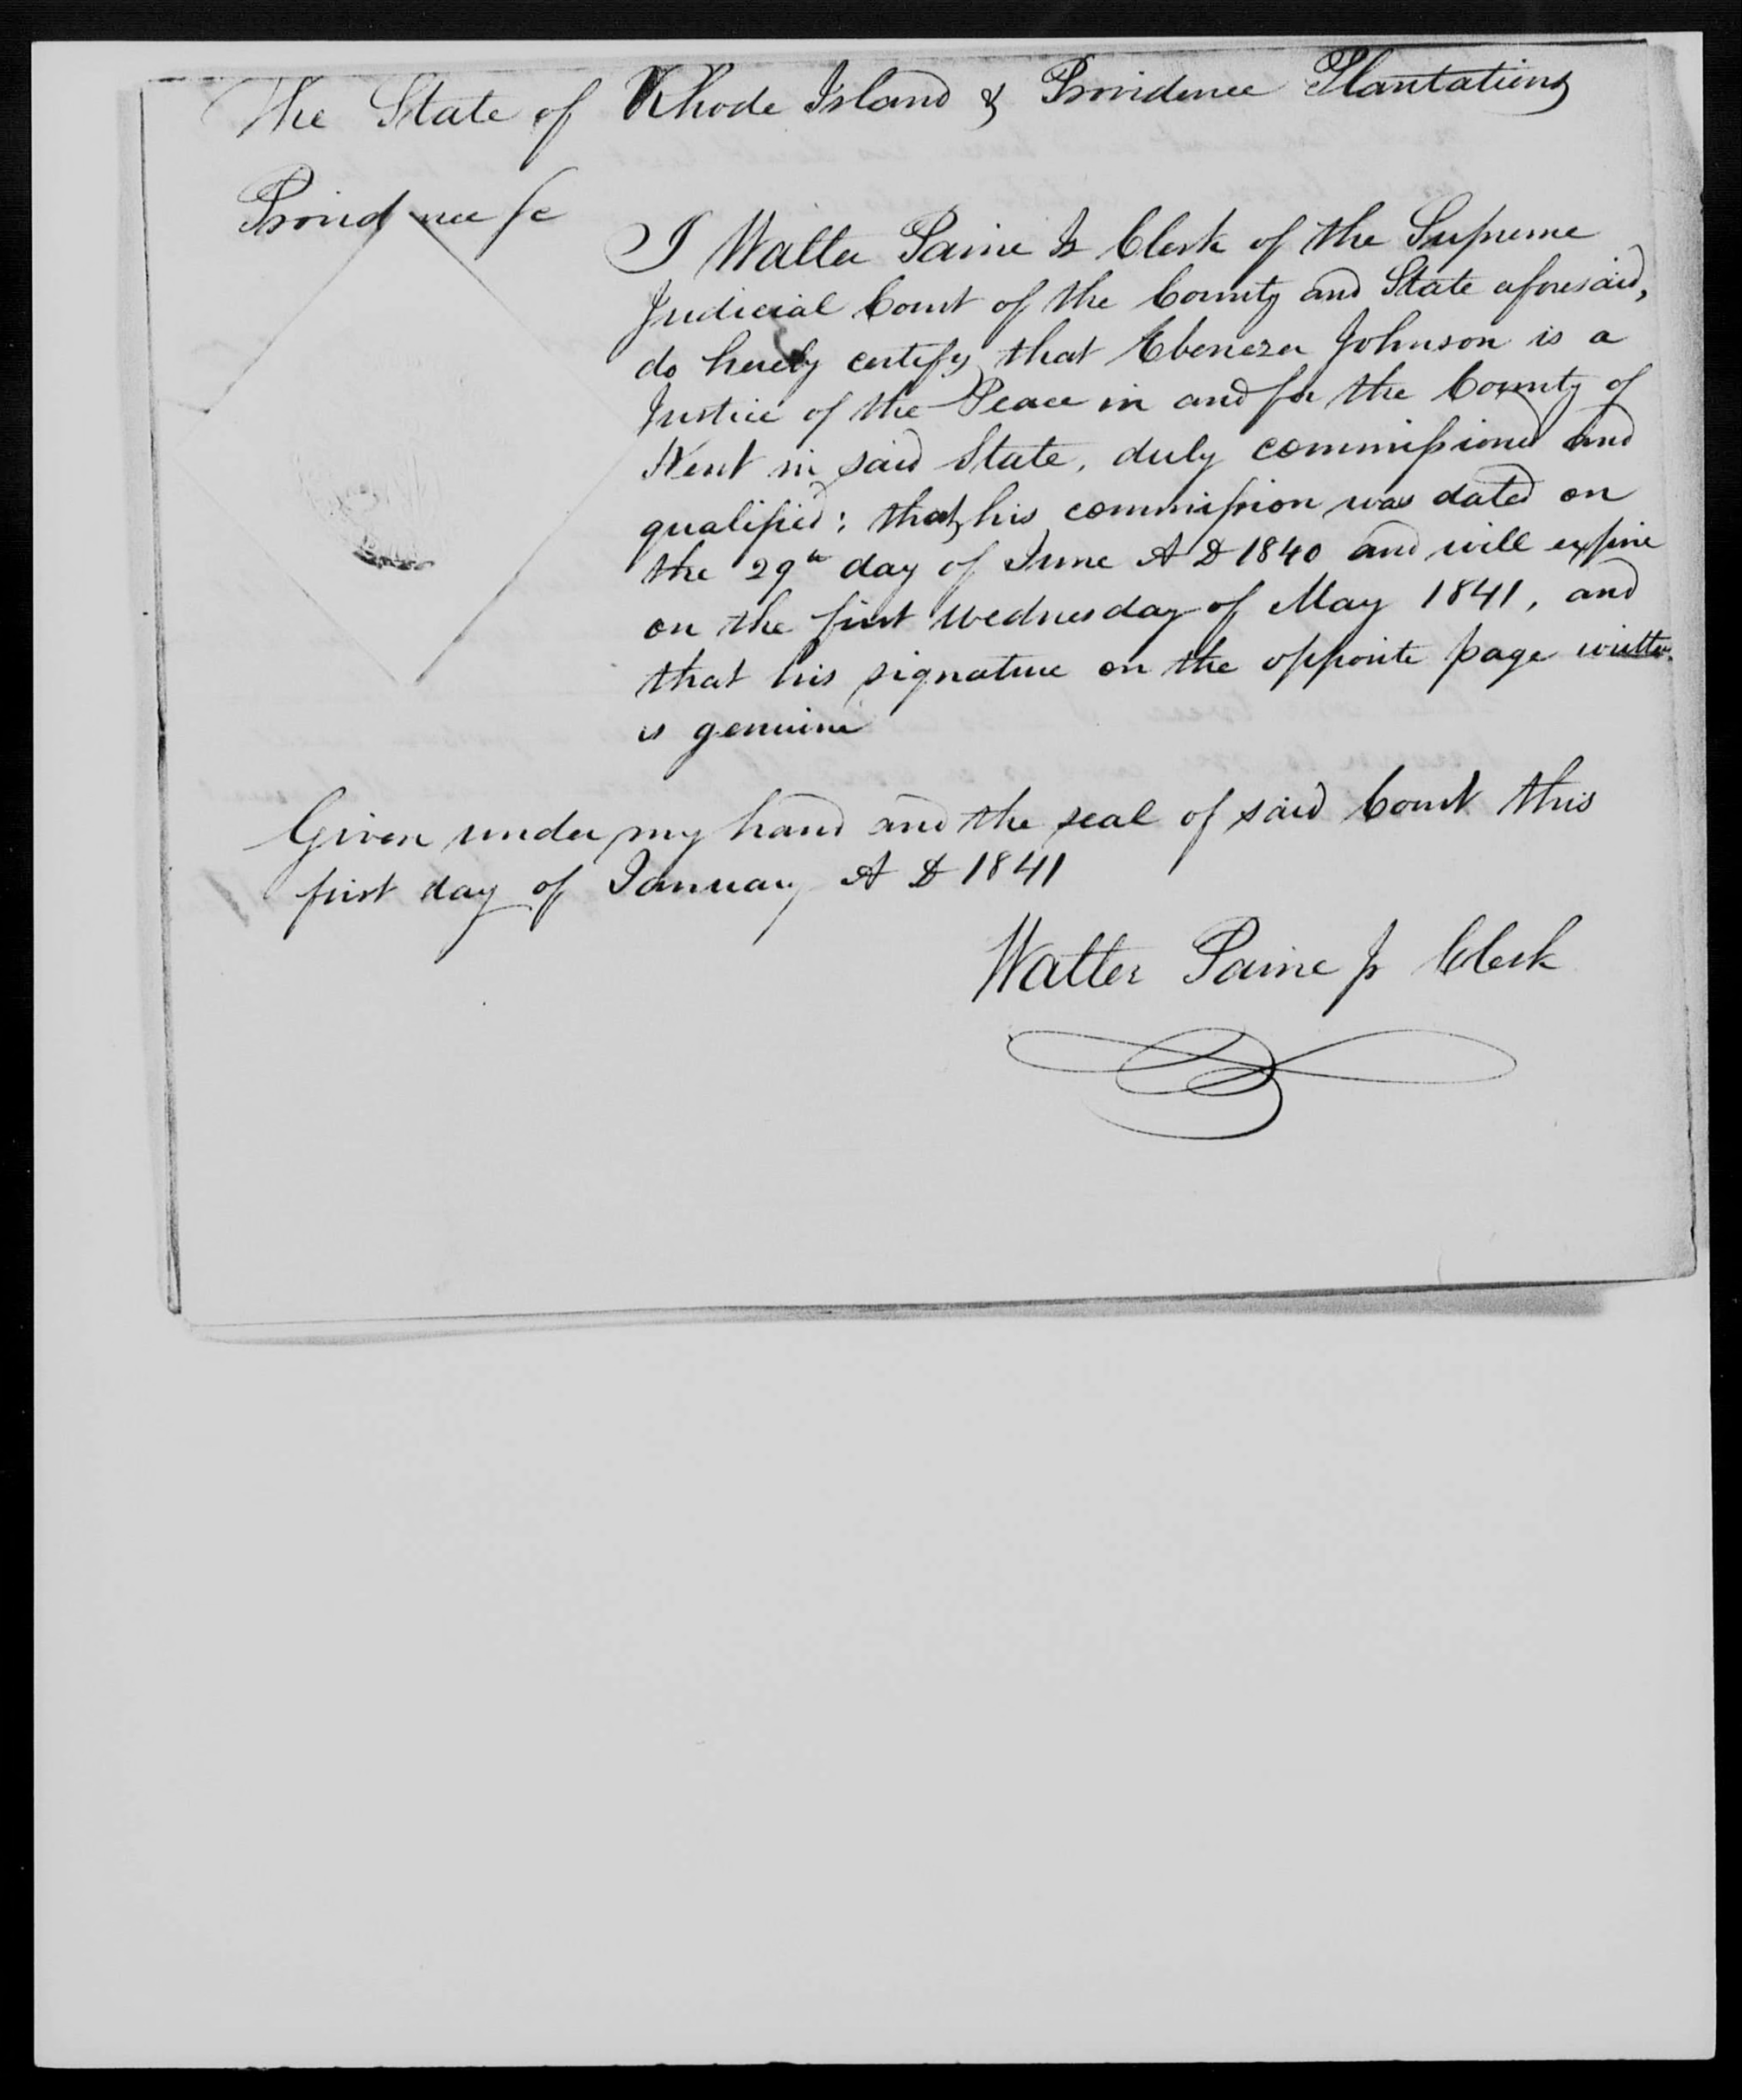The State of Rhode Island & Providence Plantations
Providence sc
I Walter Paine as Clerk of the Supreme
Judicial Court of the County and State aforesaid,
do hereby certify that Ebenezer Johnson is a
Justice of the Peace in and for the County of
Kent in said State, duly commissioned and
qualified; that his commission was dated on
the 29th day of June AD 1840 and will expire
on the first Wednesday of May 1841, and
that his signature on the opposite page written
is genuine
Given under my hand and the seal of said Court this
first day of January AD 1841
Walter Paine Clerk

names: Walter Paine, Ebenezer Johnson, Walter Paine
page: 18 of 18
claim: widow's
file: W. 20640, Caleb Austin, R.I.